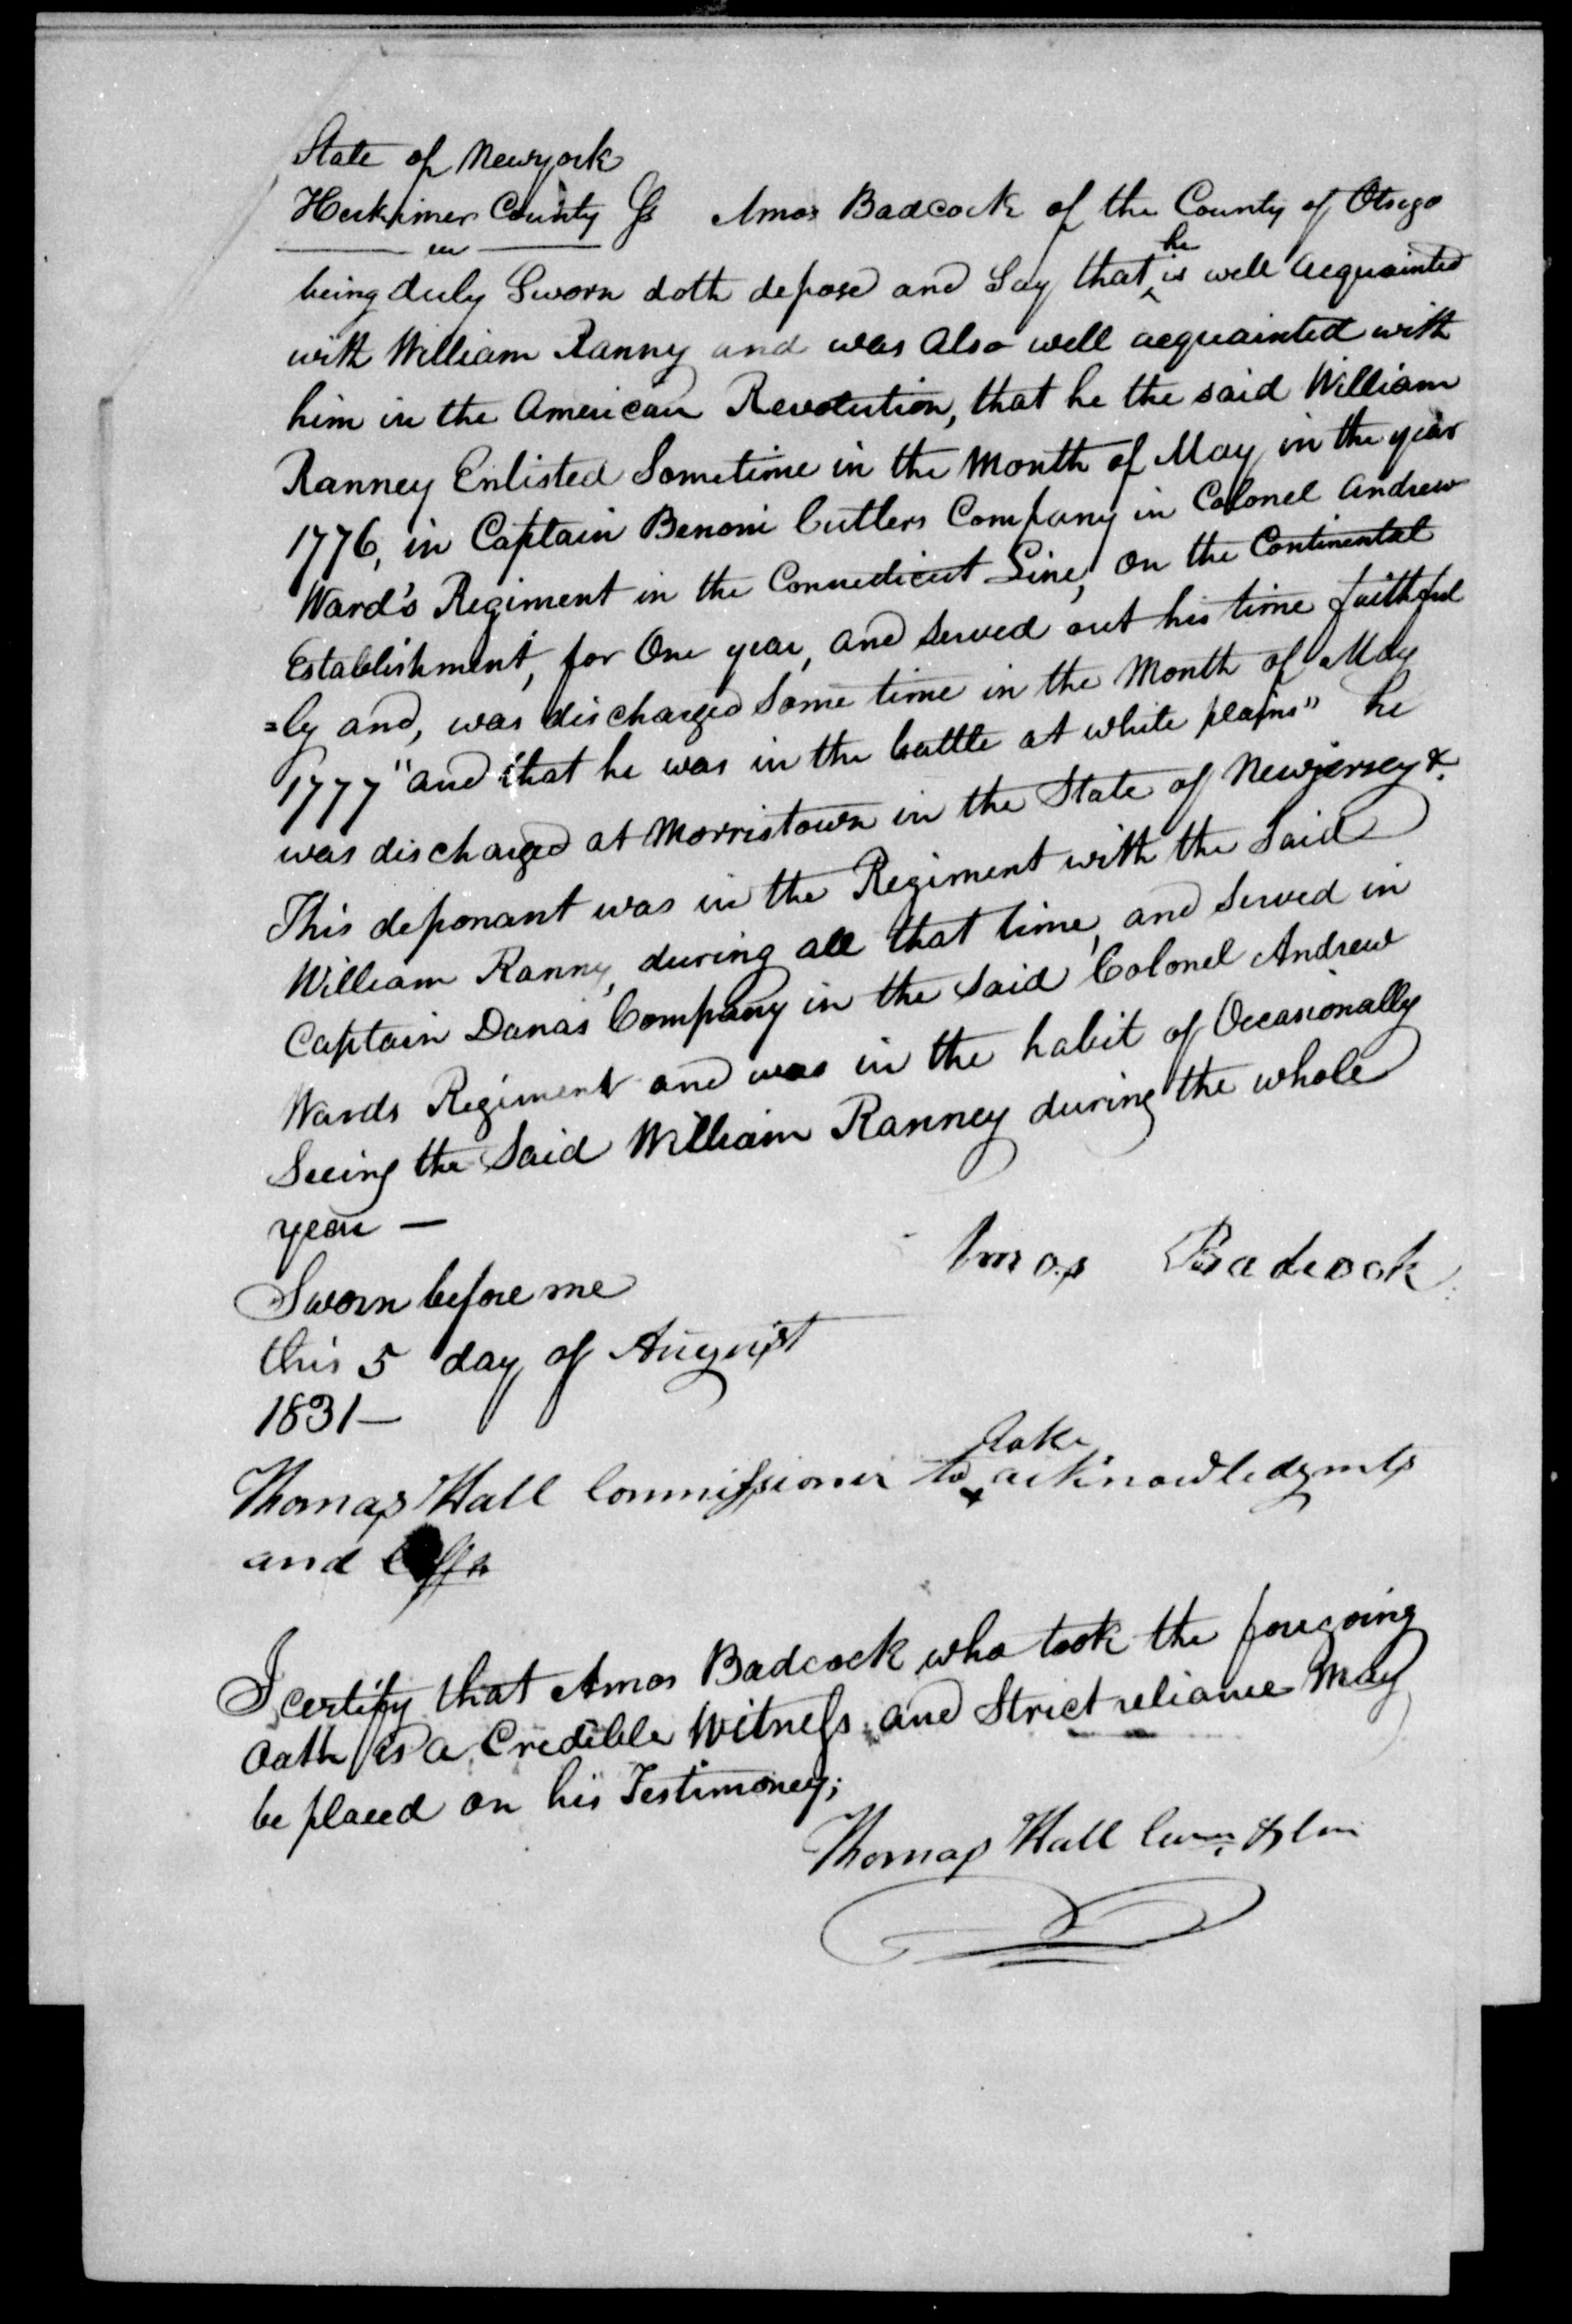State of New York Herkimer County ss
Amos Badcock of the county of Otego being duly sworn doth depose and say that he is well acquainted with William Ranney and was also well acquainted with him in the American Revolution that he the said William Ranney enlisted sometime in the month of May in the year 1776 in Captain Benoni Cutlers company in Colonel Andrew Wards regiment in the Connecticut line on the continental establishment for one year and served out his time faithfully and was discharged some time in the month of May 1777 "and that he was in the battle at white plains" he was discharged at Morristown in the State of New Jersey & this deponant [deponent] was in the regiment with the said William Ranny [Ranney] during all that time and served in Captain Dana's company in the said Colonel Andrew Wards regiment and was in the habit of occasionally seeing the said William Ranney during the whole year.
Amos Badcock
Sworn before me this 5 day of August 1831
Thomas Hall commissioner to take acknowledgements and oath
I certify that Amos Badcock who took the foregoing oath is a credible witness and strict reliance may be placed on his testimony
Thomas Hall Com & Com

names: Thomas Hall; William Ranny; William Ranney; William Ranny; William Ranney; Amos Badcock; Thomas Hall; Amos Badcock; Amos Badcock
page: 11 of 12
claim: rejected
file: R. 8,593, for William Ranney, Connecticut